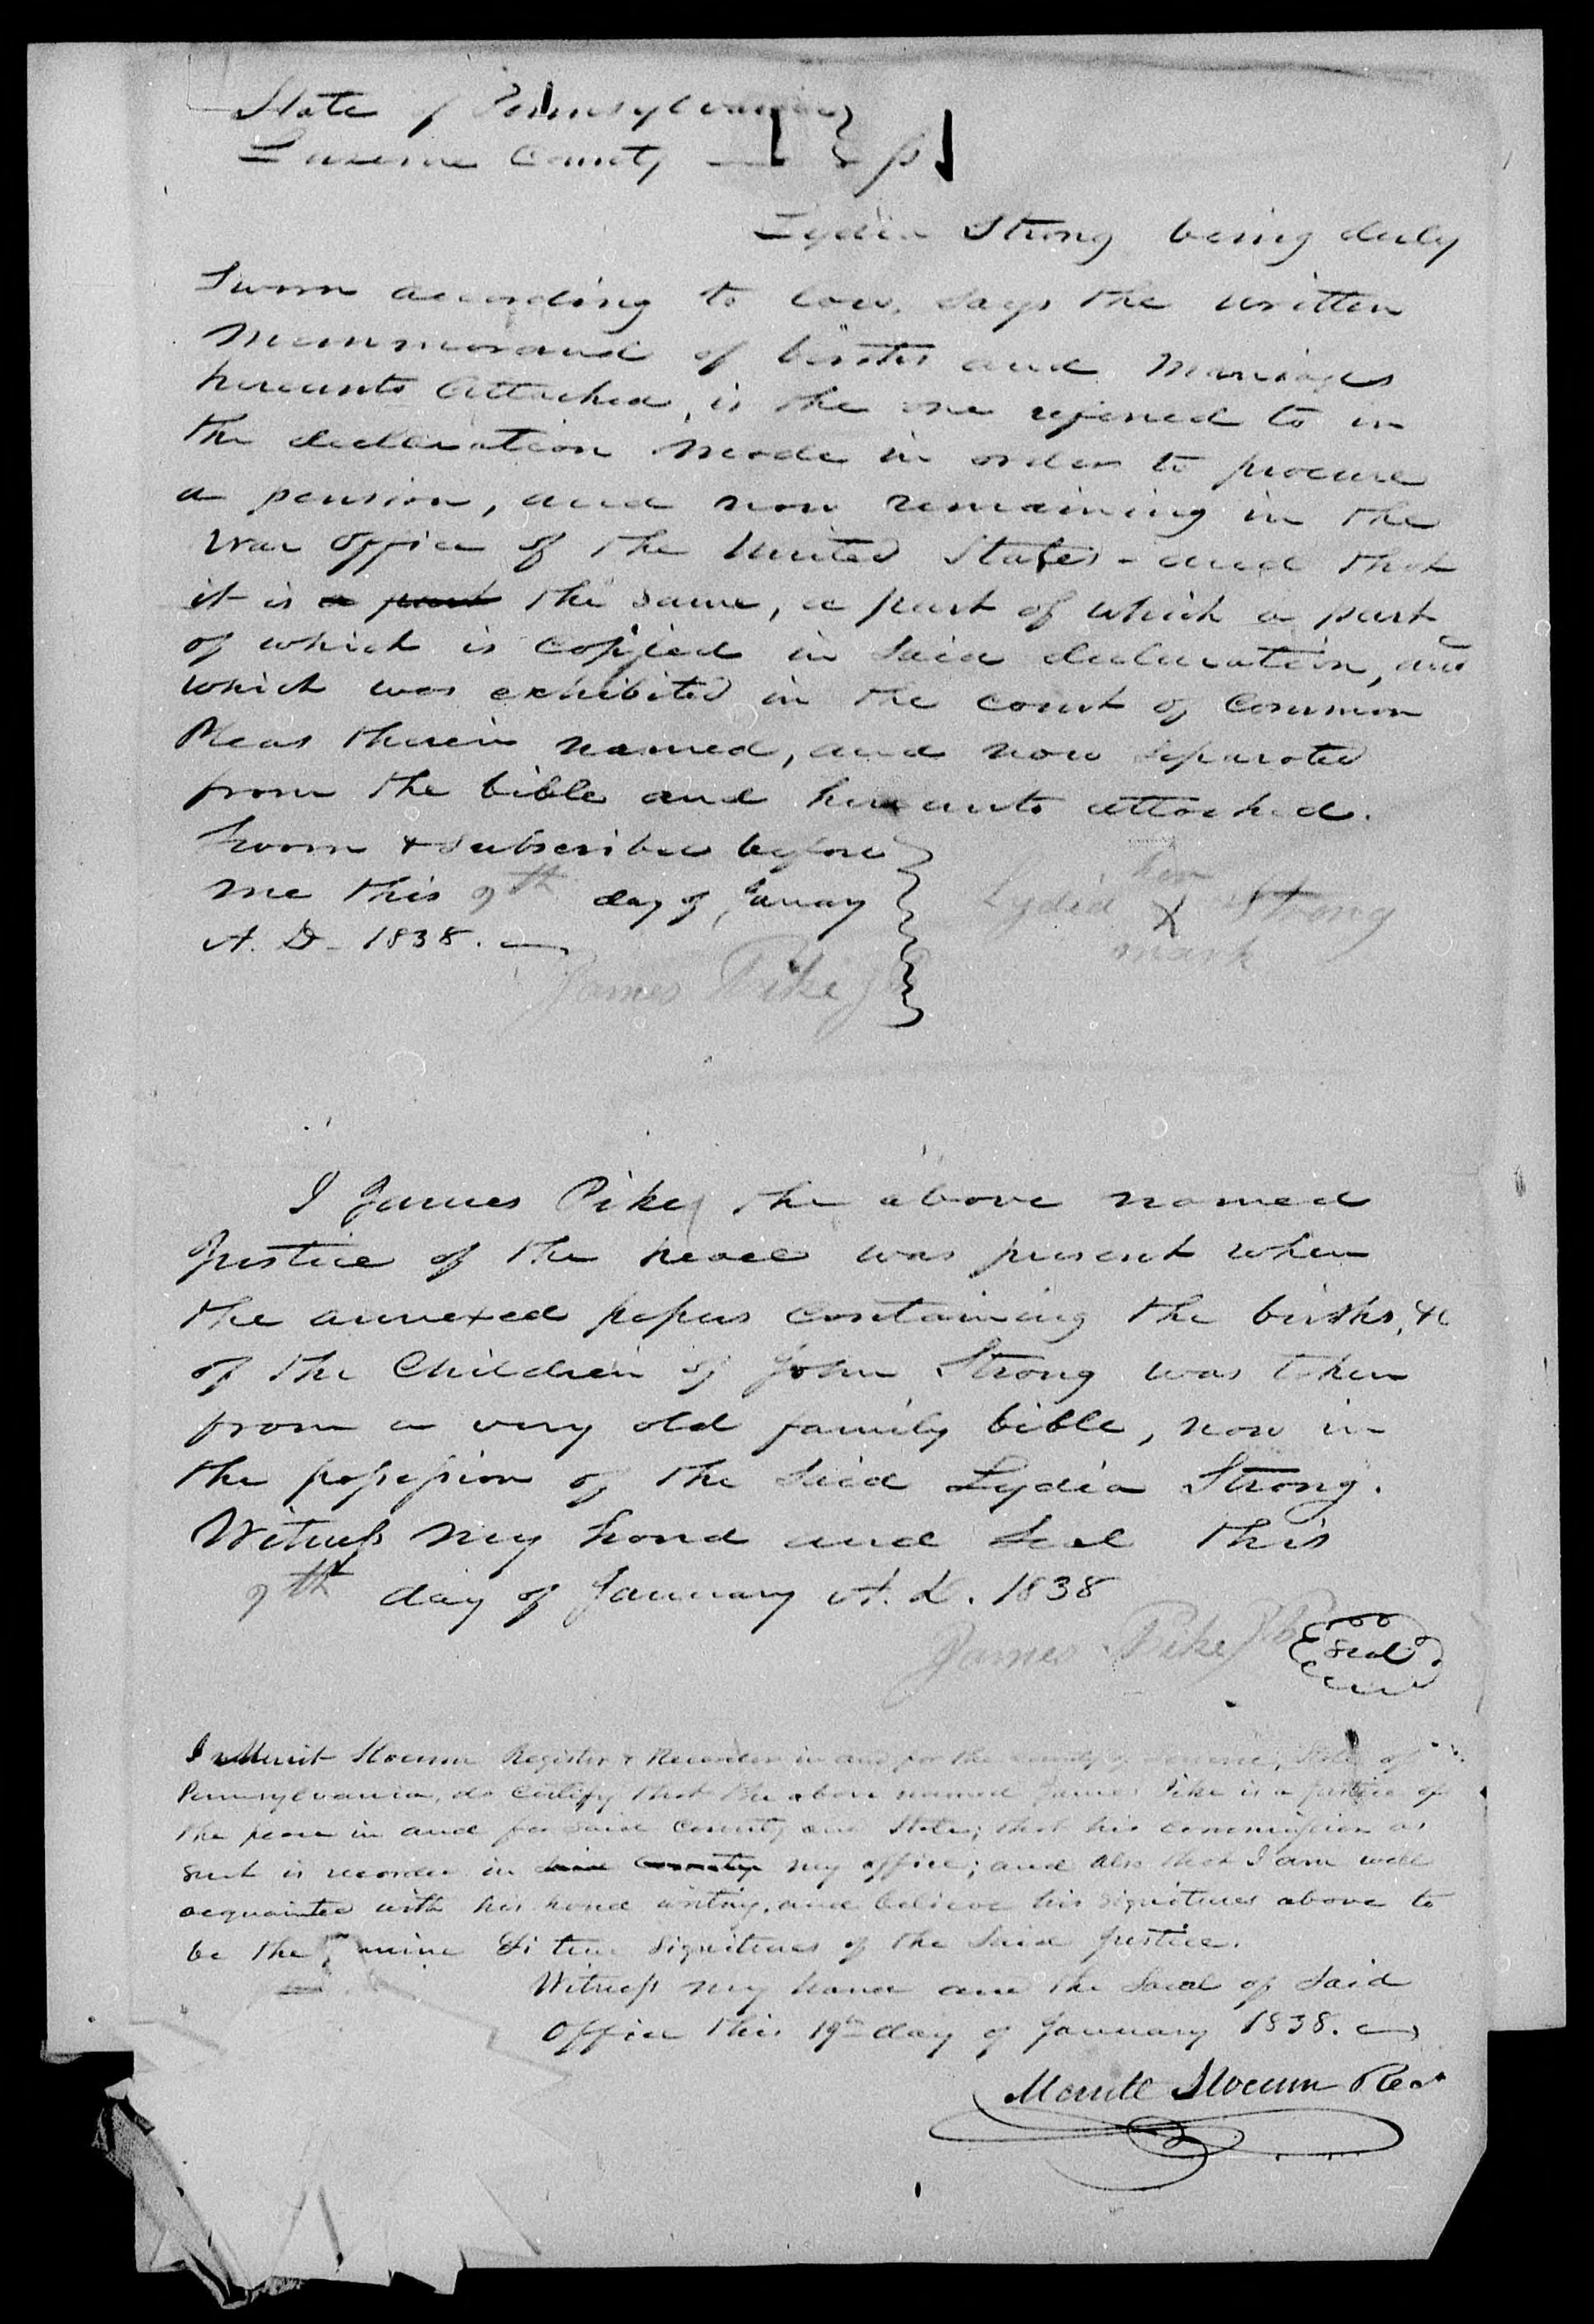State of Pennsylvania 
Luzerne County} Ss
Lydia Strong being duly Sworn according to law, says the written memories and of births and marriages hereunto attached is the one referred to in the declaration made in order to procure a pension, and now remaining in the war office of the United States and that it is the same, a part of which a part of which is copied in said declaration, and which was exhibited in the Court of Common Pleas therein named, and now separated from the bible and hereunto attached. [signed] Lydia Strong  X her mark
Sworn & subscribed before me this 9th day of A.D. 1838. 
[signed] James Pike JP

I James Pikes the above named Justice of the peace was present when the annexed papers containing the births & of the children of John Strong was then from a very old family bible, now in the possession of the said Lydia Strong. Witness my hand and seal this 9th day of January A.D. 1838 [signed] James Pike JP  seal

I [illegible] Slocum Register & Recorder in and for the County of Luzerne, State of Pennsylvania, do certify that the above named James Pike is a justice of the peace in and for said County and State; that his commission of such is recorded in said County my office; and also that I am well acquainted with his hand writing and believe his signatures above to be the genuine the signatures of the said Justice 
Witness my hand and the seal of said office this 19th day of January 1838 
Monite[?] Slocum  Recr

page: 32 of 33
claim: widow's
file: W. 4592, for John Strong, New York